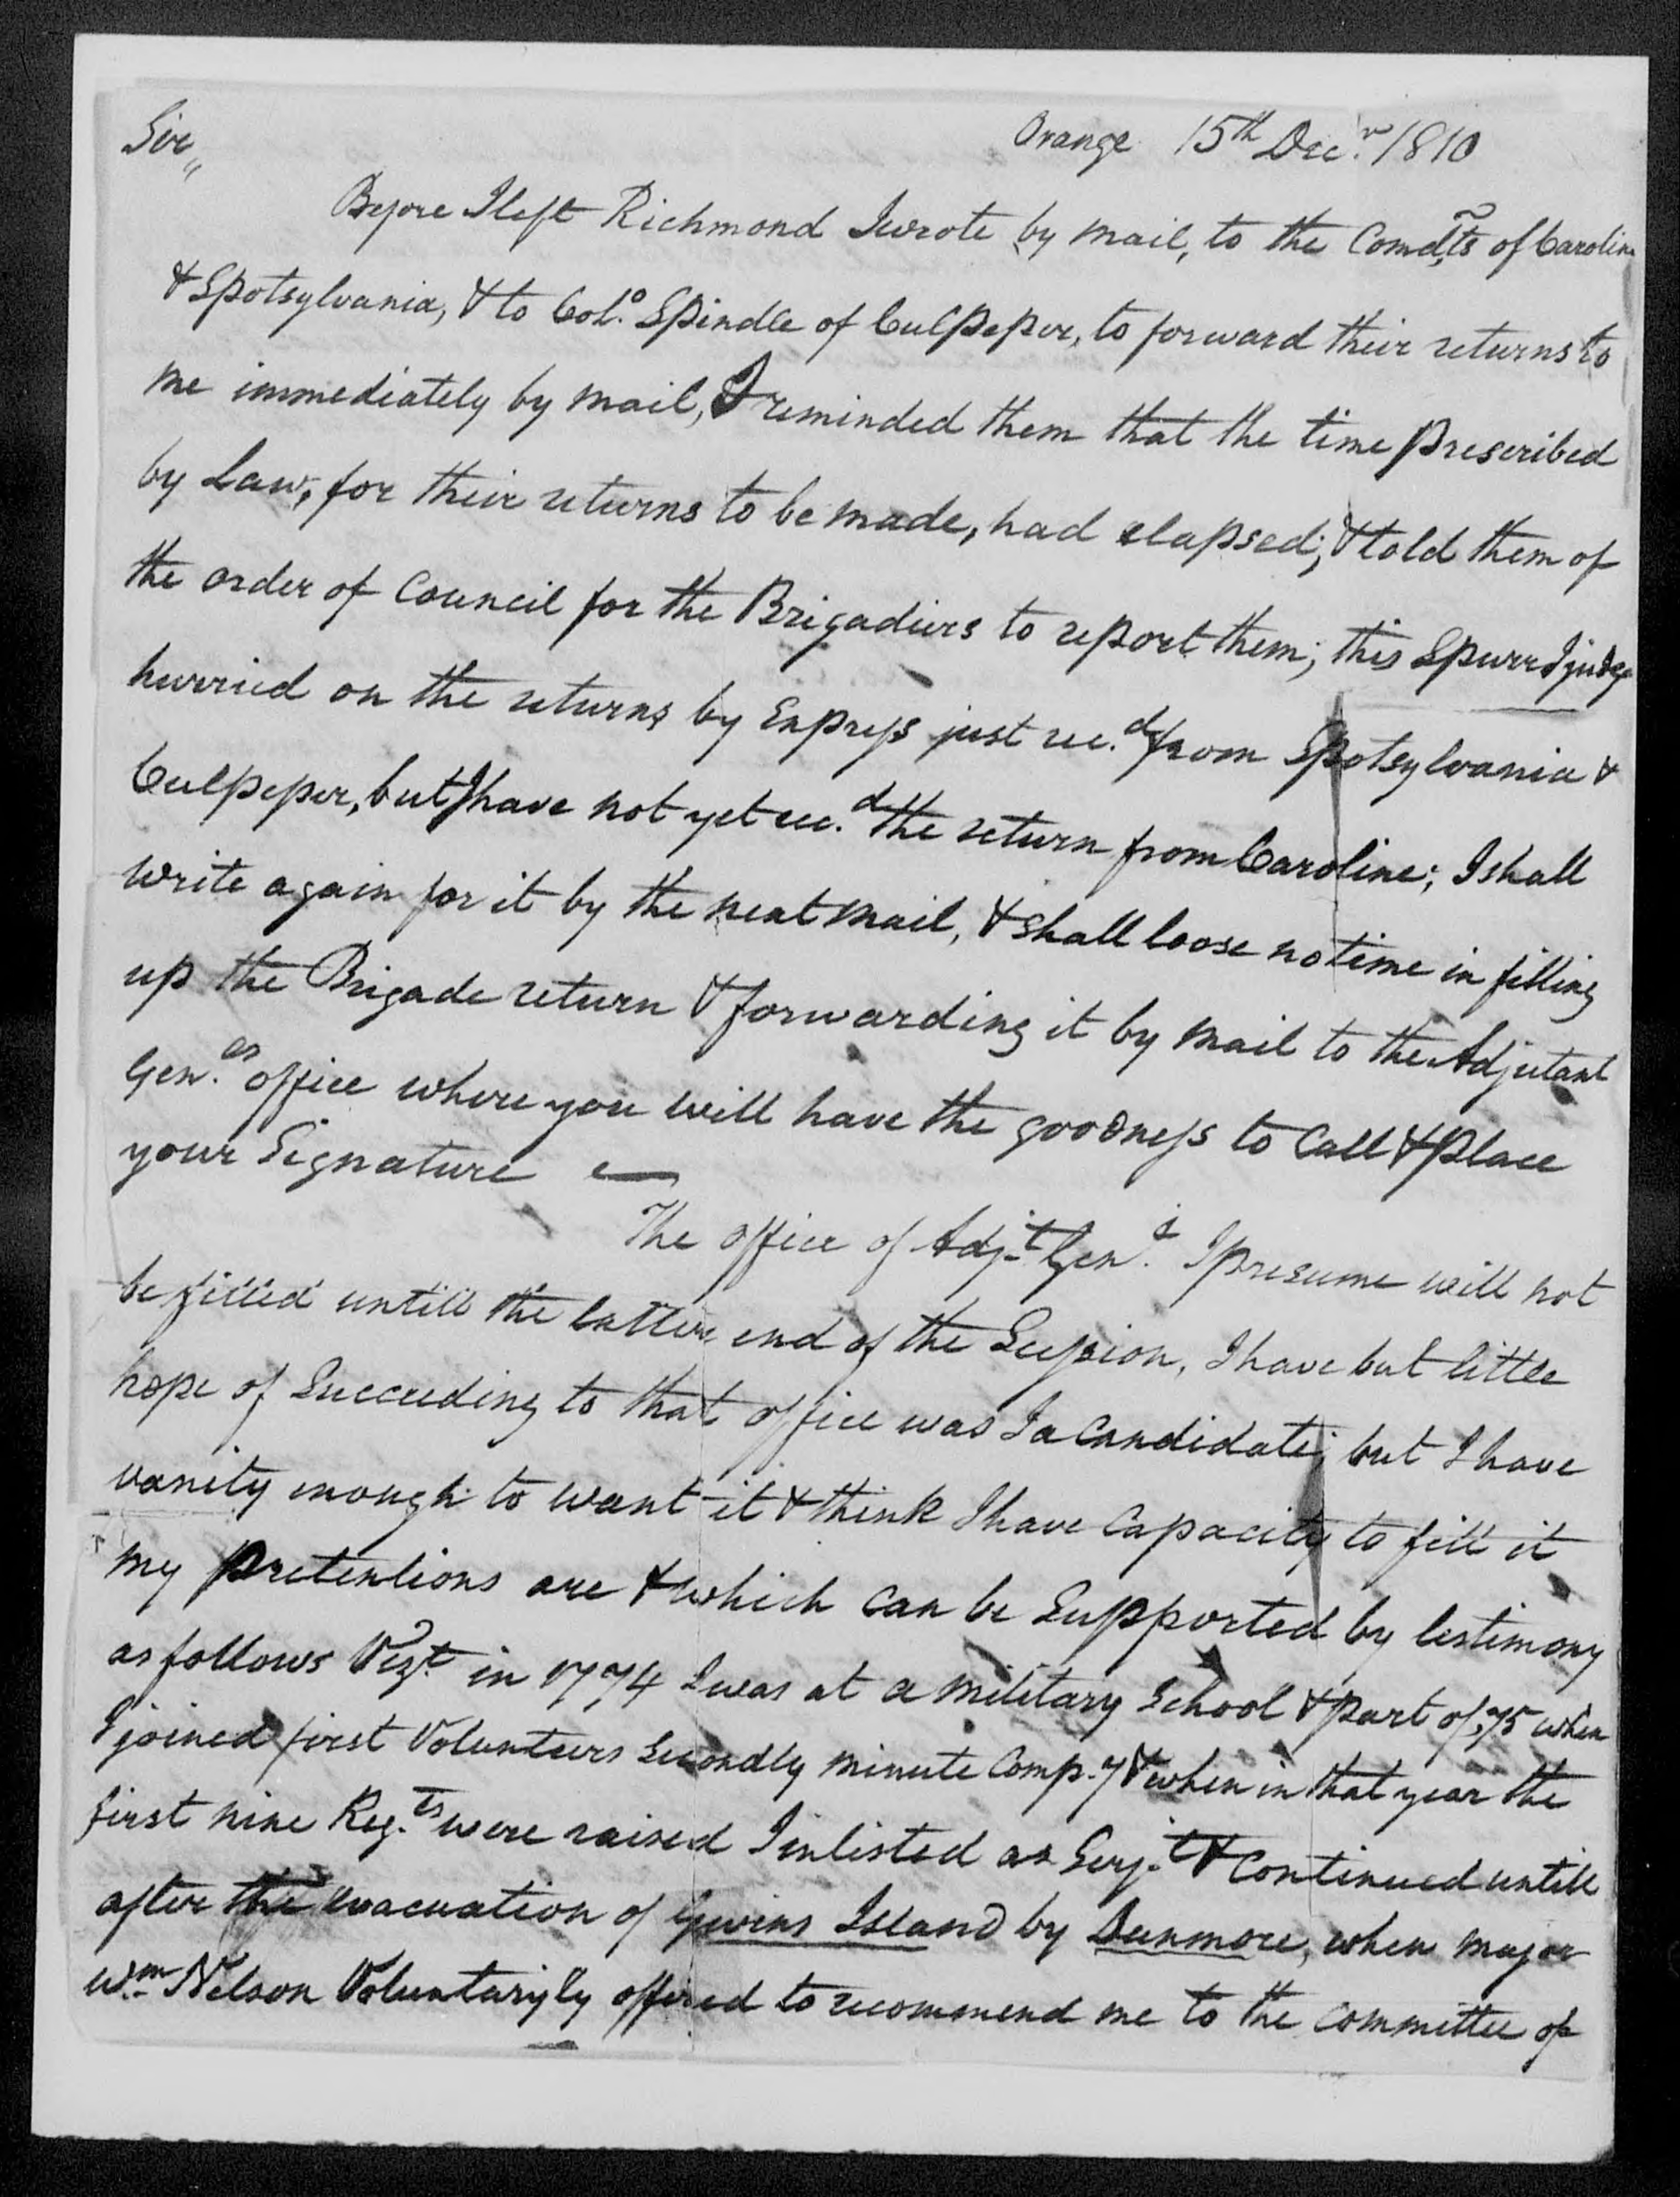Orange  15h Decr. 1810
Sir,
Before I left Richmond I wrote by mail, to the Comd,ts of Carolina + [and] Spotsylvania + [and] to Colo. Spindle of Culpepper, to forward their returns to me immediately by mail, I reminded them that the time Prescribed by Law, for their returns to be made, had elapsed, +{and] told them of the order of Council for the Brigadiers to report them; this Spurr I judge hurried on the returns by Express just recd. from Spotsylvania +[and] Culpepper, but I have not yet recd. the return from Carolina; I shall write again for it by the next mail, +[and] shall loose no time in filling up the Brigade return +[and] forwarding it by mail to the Adjutant Genl s. office where you will have the goodness to call +[and] place your Signature. ___
The office of Adjt. Genl. I presume will not be filled until the latter end of the Session, I have but little hope of Succeeding to that office was I a candidate but I have vanity enough to want it +[and] think I have capacity to fill it my pretensions are +[and] which can be Supported by testimony as follows Vizt. in 1774 I was at a Military School +[and] part of '75 when I joined first Volunteers Secondly minute Compy. +[and]  when in that year the first nine Regts. were raised I enlisted as Sergt. +[and] continued until after the evacuation of [start underline] Givens Island [end underline] by [begin underline] Dunmore [end underline], when Major Wm. Nelson Voluntarily offered to recommend me to the Committee of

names: Wm Nelson, Spindle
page: 94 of 267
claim: widow's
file: W. 4,149, William Campbell, Va.